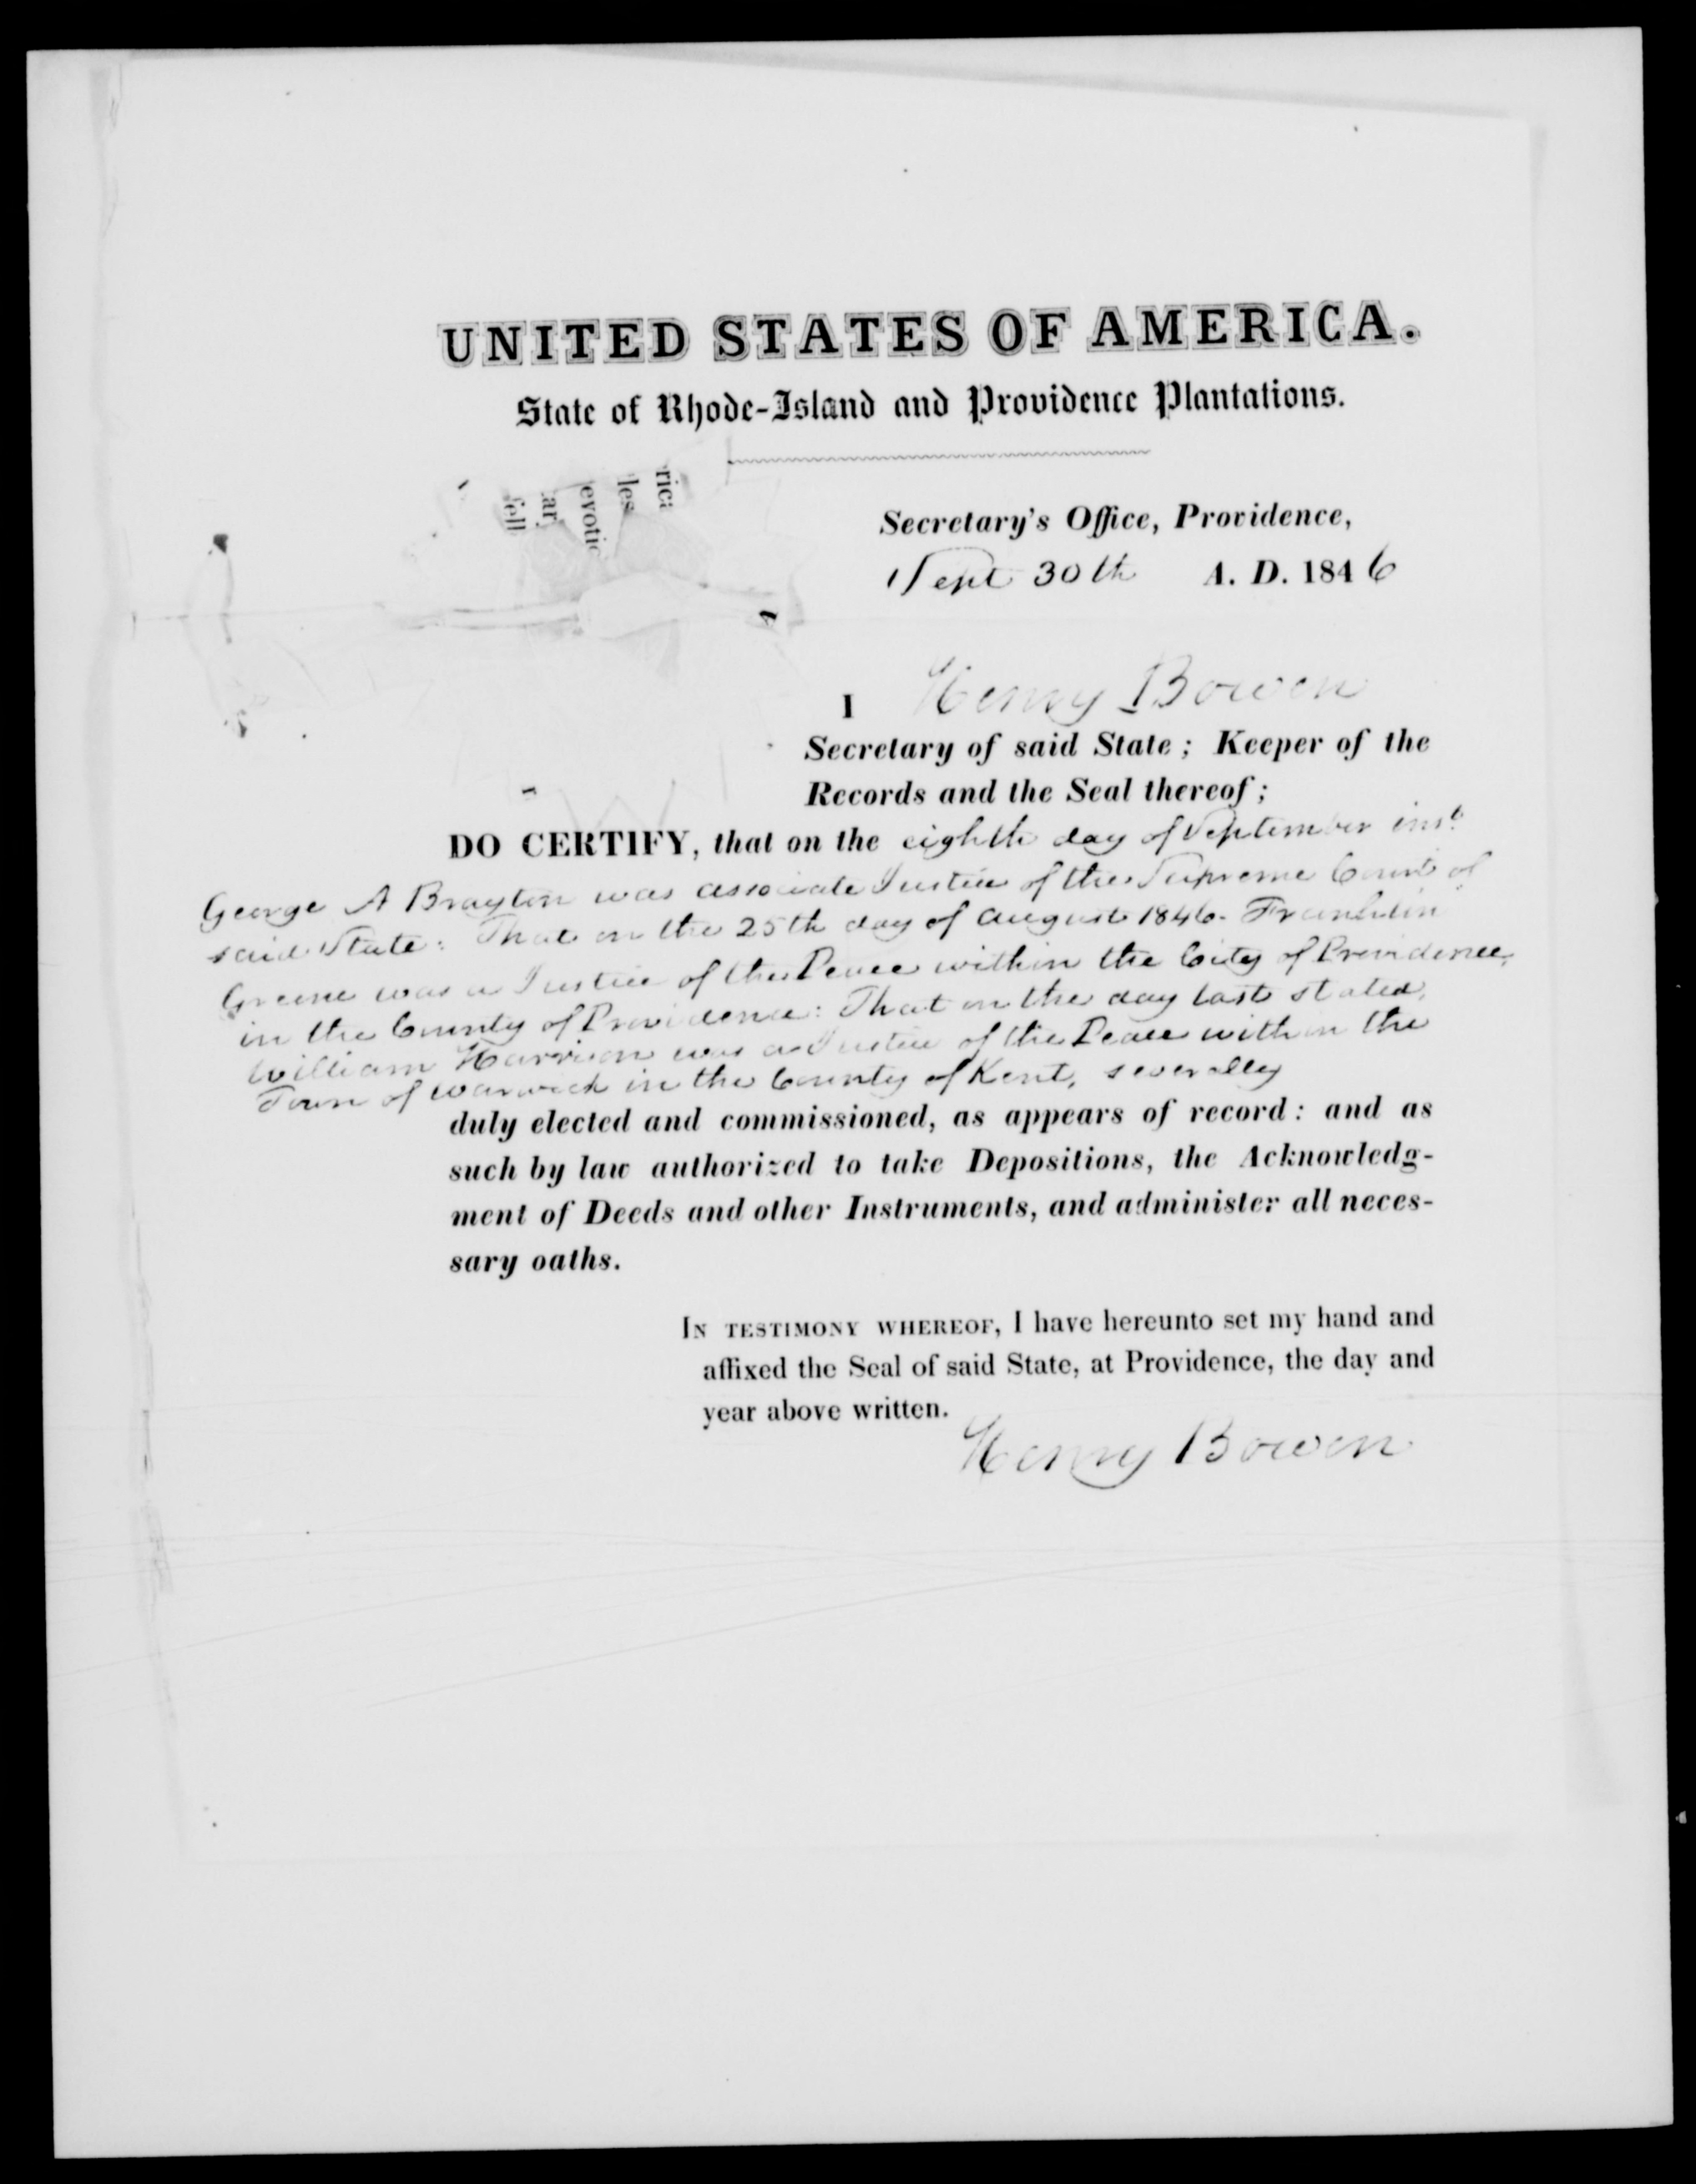UNITED STATES OF AMERICA.

State of Rhode-Island and Providence Plantations.

Secretary’s Office, Providence,
Sept 30th A. D. 1846

I Henry Bowen 
Secretary of said State; Keeper of the Records and the Seal thereof;
DO CERTIFY, that on the eighth day of September ins George A Brayton was associate Justice of the Supreme Court of said State: That on the 25th day of August 1846. Franklin Greene was a Justice of the  Peace within the city of Providence in the County of Providence: That on the day last stated, William Harrison was a Justice of the Peace within the Town of Warwick in the County of Kent, _____ duly elected and commissioned, as appears of record: and as such by law authorized to take Depositions, the Acknowledgment of Deeds and other Instruments, and administer: all necessary  oaths.

In testimony whereof, I have hereunto set my hand and affixed the Seal of said State, at Providence, the day and year above written.

Henry Bowen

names: George A Brayton, Franklin Greene, William Harrison, Henry Bowen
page: 26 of 53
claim: widow's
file: W 17707, Benjamin Weaver, R.I.